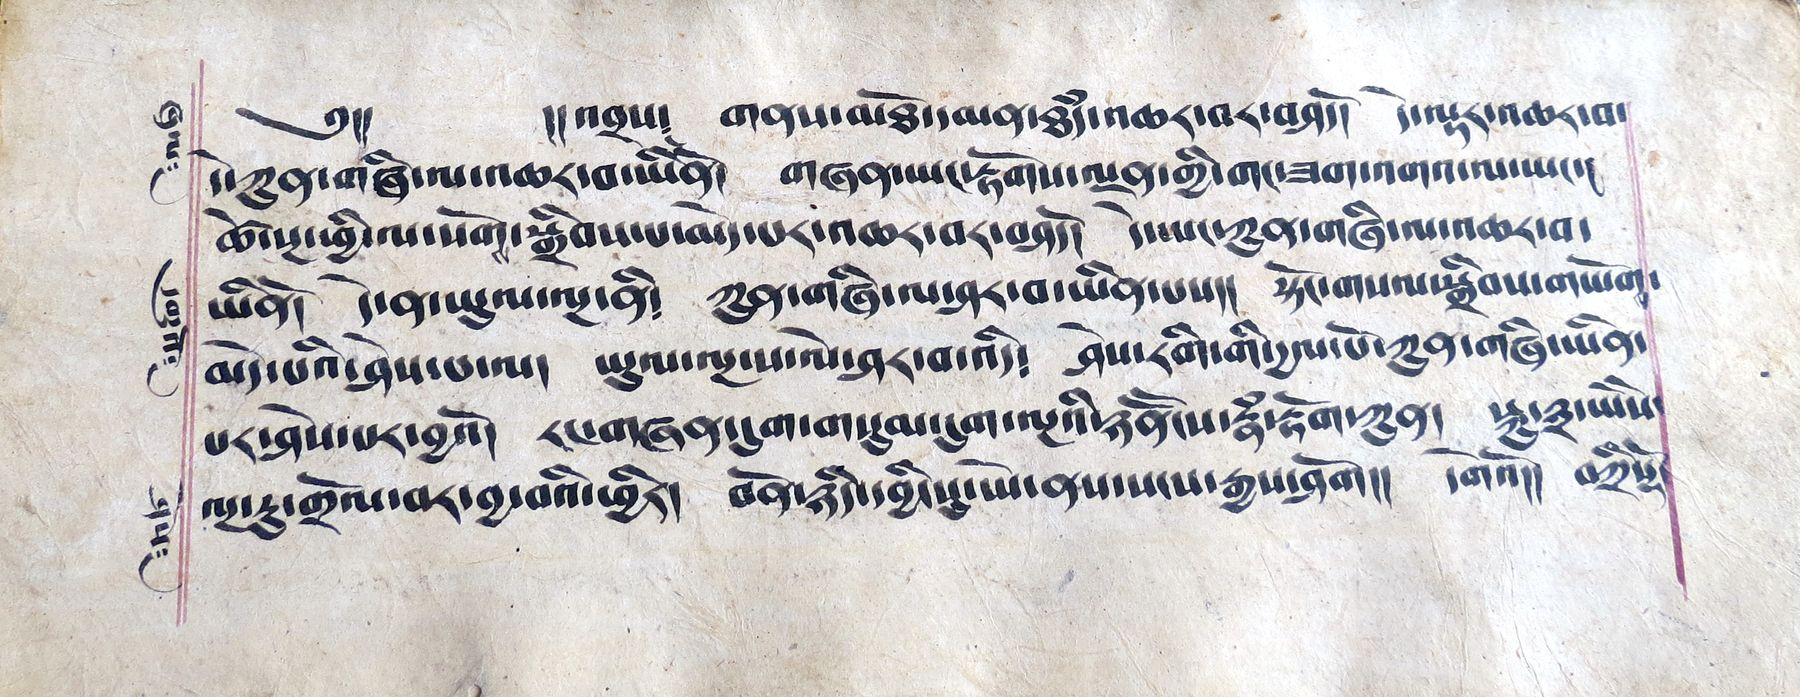འབྲས་གནས་མཐོ་དམན་ཐམས་ཅད་འཆར་བར་བཤད་དོ། ། དེ་ལྟར་ཤར་བ་
དེ། ཀུན་གཞི་ལ་འཆར་བ་ཡིན་ནོ། ། གཞན་ཡང་རྟོགས་ལྡན་གྱི་གང་ཟག་འགའ་ལ་ཡང་། 
ཚེ་སྔ་ཕྱི་ལས་སོགས་སྒྲིབ་པ་མེད་པར་འཆར་བར་བཤད་དོ། ། དེ་ཡང་ཀུན་གཞི་ལ་འཆར་བ་
ཡིན་ནོ། དེས་ན་ཡུལ་ལྔ་ནི་ཀུན་གཞི་ལ་འཆར་བ་ཡིན་པས། སྟོང་གསལ་སྒྲིབ་གཡོགས་
མེད་པའི་ཤེས་པ་ལ། ཡུལ་ལྔ་ཝལ་ལེ་ཤར་བ་འདི། ཤེས་རིག་གི་རྒྱལ་པོ་ཀུན་གཞི་ཡིན་
པར་ཤེས་པར་བྱའོ། ། རང་གཞན་དུག་གསུམ་དུག་ལྔའི་ཉོན་མོངས་རྣམ་རྟོག་ཀུན། སྐུ་ལྔ་ཡེ་ཤེས་
ལྔ་རུ་གྲོལ་བར་བྱ་བའི་ཕྱིར། བོན་ཉིད་དབྱིངས་སུ་ཡེ་ནས་སངས་རྒྱས་ཤོག ། དགེའོ། ། བཀྲ་ཤིས་སོ། །